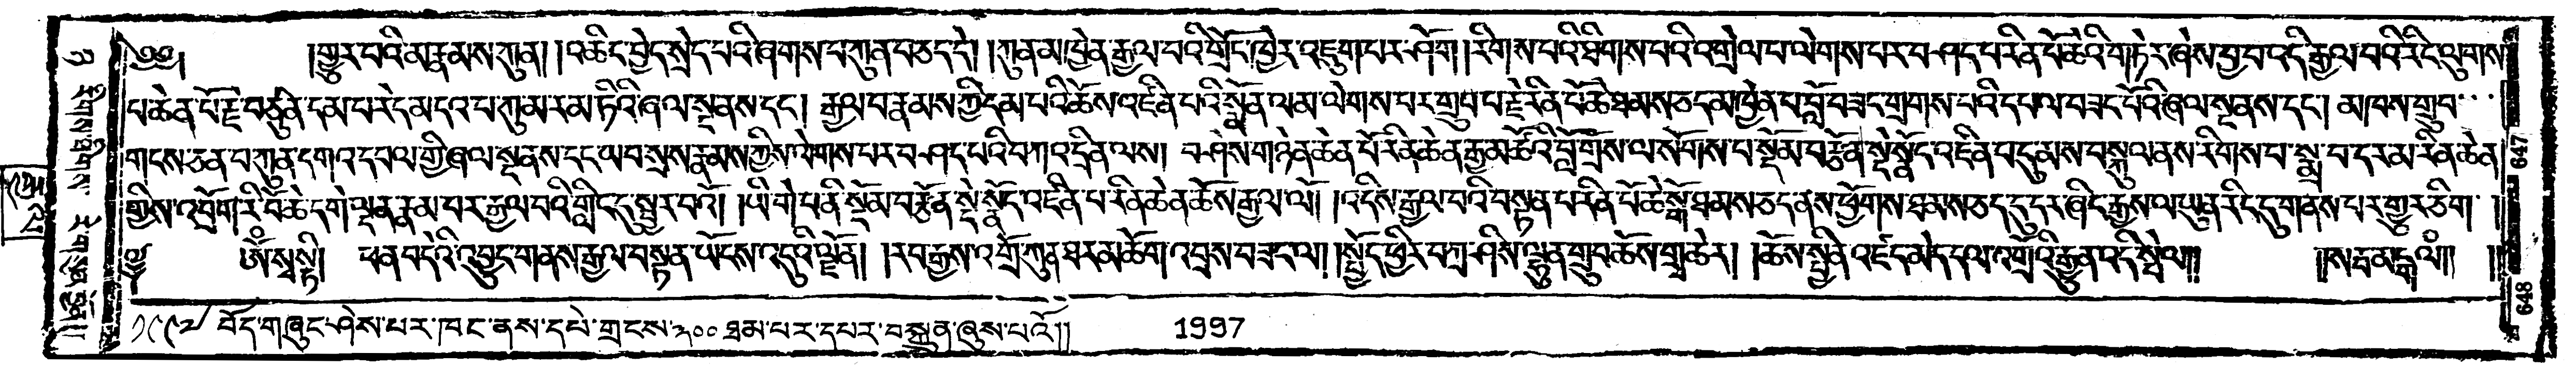༄༅། །གྱུར་པའི་མ་རྣམས་ཀུན། །འཆིང་བྱེད་སྲིད་པའི་ཞགས་པ་ཀུན་བཅད་དེ། །ཀུན་མཁྱེན་རྒྱལ་བའི་གྲོང་ཁྱེར་འཇུག་པར་ཤོག །རིགས་པའི་ཐིགས་པའི་འགྲེལ་པ་ལེགས་པར་བཤད་པ་རིན་པོ་ཆེའི་གཏེར་ཞེས་བྱ་བ་འདི་རྒྱལ་བའི་རིང་ལུགས་
པ་ཆེན་པོ་རྗེ་བཙུན་དམ་པ་རེད་མདའ་པ་ཀུ་མ་ར་མ་ཏིའི་ཞལ་སྔ་ནས་དང་། རྒྱལ་བ་རྣམས་ཀྱི་དམ་པའི་ཆོས་འཛིན་པའི་སྨོན་ལམ་ལེགས་པར་གྲུབ་པ་རྗེ་རིན་པོ་ཆེ་ཐམས་ཅད་མཁྱེན་པ་བློ་བཟང་གྲགས་པའི་དཔལ་བཟང་པོའི་ཞལ་སྔ་ནས་དང་། མཁས་གྲུབ་
གངས་ཅན་བ་ཀུན་དགའ་དཔལ་གྱི་ཞལ་སྔ་ནས་དང་ཡབ་སྲས་རྣམས་ཀྱིས་ལེགས་པར་བཤད་པའི་བཀའ་དྲིན་ལས། བཤེས་གཉེན་ཆེན་པོ་རིན་ཆེན་རྒྱ་མཚོའི་བློ་གྲོས་ལ་སོགས་པ་སྡོམ་བརྩོན་སྡེ་སྣོད་འཛིན་པ་དུ་མས་བསྐུལ་ནས་རིགས་པ་སྨྲ་བ་དར་མ་རིན་ཆེན་
གྱིས་འབྲོག་རི་བོ་ཆེ་དགེ་ལྡན་རྣམ་པར་རྒྱལ་བའི་གླིང་དུ་སྦྱར་བའོ། །ཡི་གེ་པ་ནི་སྡོམ་བརྩོན་སྡེ་སྣོད་འཛིན་པ་རིན་ཆེན་ཆོས་རྒྱལ་ལོ། །འདིས་རྒྱལ་བའི་བསྟན་པ་རིན་པོ་ཆེ་སྒོ་ཐམས་ཅད་ནས་ཕྱོགས་ཐམས་ཅད་དུ་དར་ཞིང་རྒྱས་ལ་ཡུན་རིང་དུ་གནས་པར་གྱུར་ཅིག་
༈ ཨོཾ་སྭ་སྟེ། ཕན་བདེའི་འབྱུང་གནས་རྒྱལ་བསྟན་ཡོངས་འདུའི་ལྗོན། །རབ་རྒྱས་འགྲོ་ཀུན་ཐར་མཆོག་འབྲས་བཟང་ལ། །སྤྱོད་ཕྱིར་བཀྲ་ཤིས་ལྷུན་གྲུབ་ཆོས་གྲྭ་ཆེར། །ཆོས་སྦྱིན་འཛད་མེད་དལ་འགྲོའི་རྒྱུན་འདི་སྤེལ།། །།སརྦ་མངལཾ།། །།